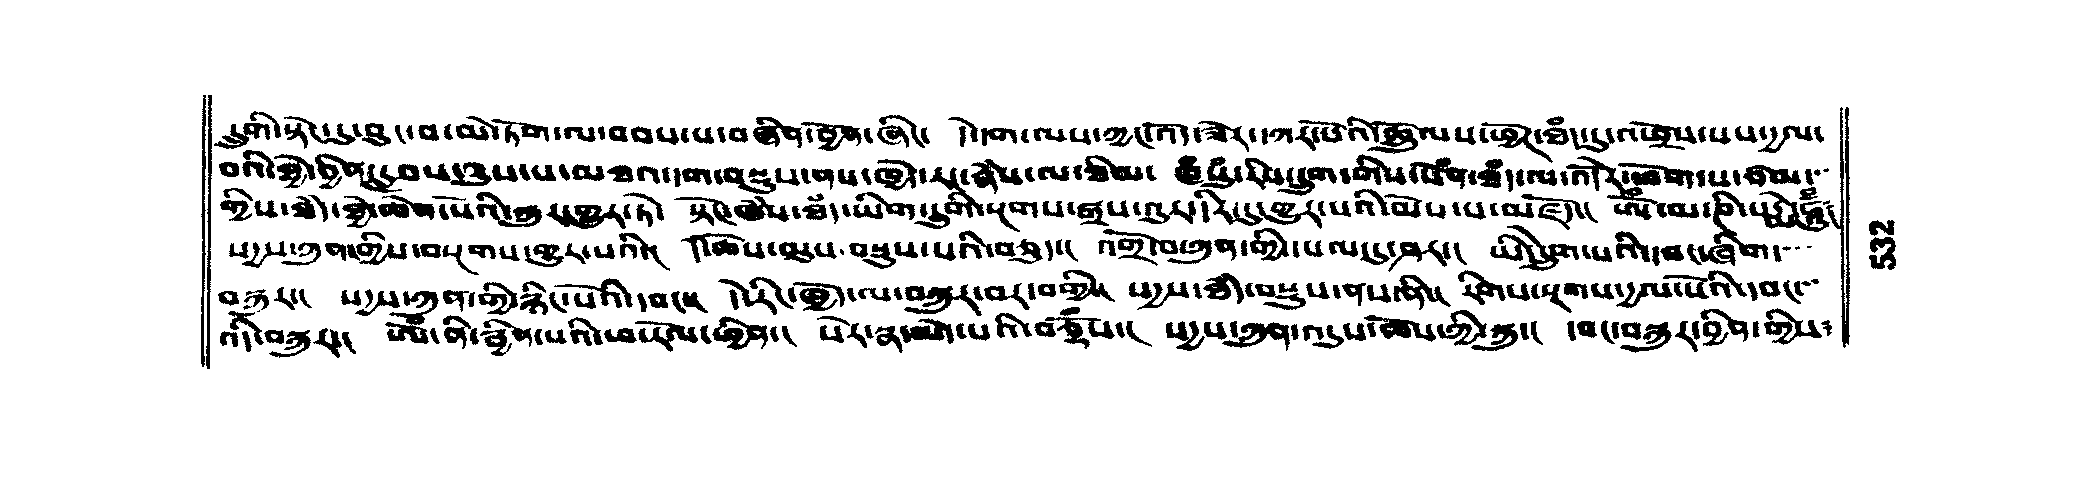དྲུག་གི་སྟེང་དུ་བུང་བ་མེ་ཏོག་ལ་བབས་པ་བཞིན་བྱོན་ཞིང་། དེ་དག་ལས་ཀྱང་འོད་ཟེར་དཀར་པོའི་ཆོ་འཕྲུལ་ས་ཕྱོགས་ཐམསཅད་དུ་འཕྲོས་པས་རྒྱལ་
བའི་ཐུགས་རྗེ་བྱིན་རླབས་ནུས་པ་མཐའ་དག་བསྡུས་ནས་ཁྱོད་རང་རྣམས་ལ་ཐིམ། ཁམས་གསུམ་རིགས་དྲུག་གི་སེམས་ཅན་ཐམས་ཅད་ལ་འོད་ཟེར་ཕོག་པ་ཙམ་
གྱིས་ཐམས་ཅད་ཐུགས་རྗེ་ཆེན་པོའི་སྐུར་གྱུར་ཏེ། སྟོང་ཁམས་ཐམས་ཅད་ཡིག་དྲུག་གི་སྔགས་སྒྲས་འུར་དིར་དུ་གྱུར་བའི་མོས་པ་མཛོད། ཨོཾ་མ་ཎི་པདྨེ་ཧཱུྃ། 
སངས་རྒྱས་ཀུན་གྱིས་བསྔགས་གྱུར་པའི། །དམ་ཆོས་མ་ལུས་བསྡུས་པའི་བཅུད། །འགྲོ་བ་ཀུན་གྱི་དཔལ་དུ་ཤར། །ཡི་གེ་དྲུག་པའི་དབང་ཞིག་
བསྐུར། །སངས་རྒྱས་ཀུན་གྱི་སྙིང་པོའི་དབང་། །དེ་རིང་ཁྱོད་ལ་བསྐུར་བར་བགྱི། །སངས་རྒྱས་ཐམས་ཅད་བསྡུས་ནས་ནི། །རིགས་སྔགས་རྒྱལ་པོའི་དབང་
འདི་བསྐུར། ཨོཾ་ནི་སྦྱིན་པའི་ཕ་རོལ་ཕྱིན། །སེར་སྣ་མེད་པའི་བཅོམ་ལྡན་འདས། །སངས་རྒྱས་ཀུན་འདུས་ཆོས་ཀྱི་སྐུ། །དབང་བསྐུར་བྱིན་གྱིས་